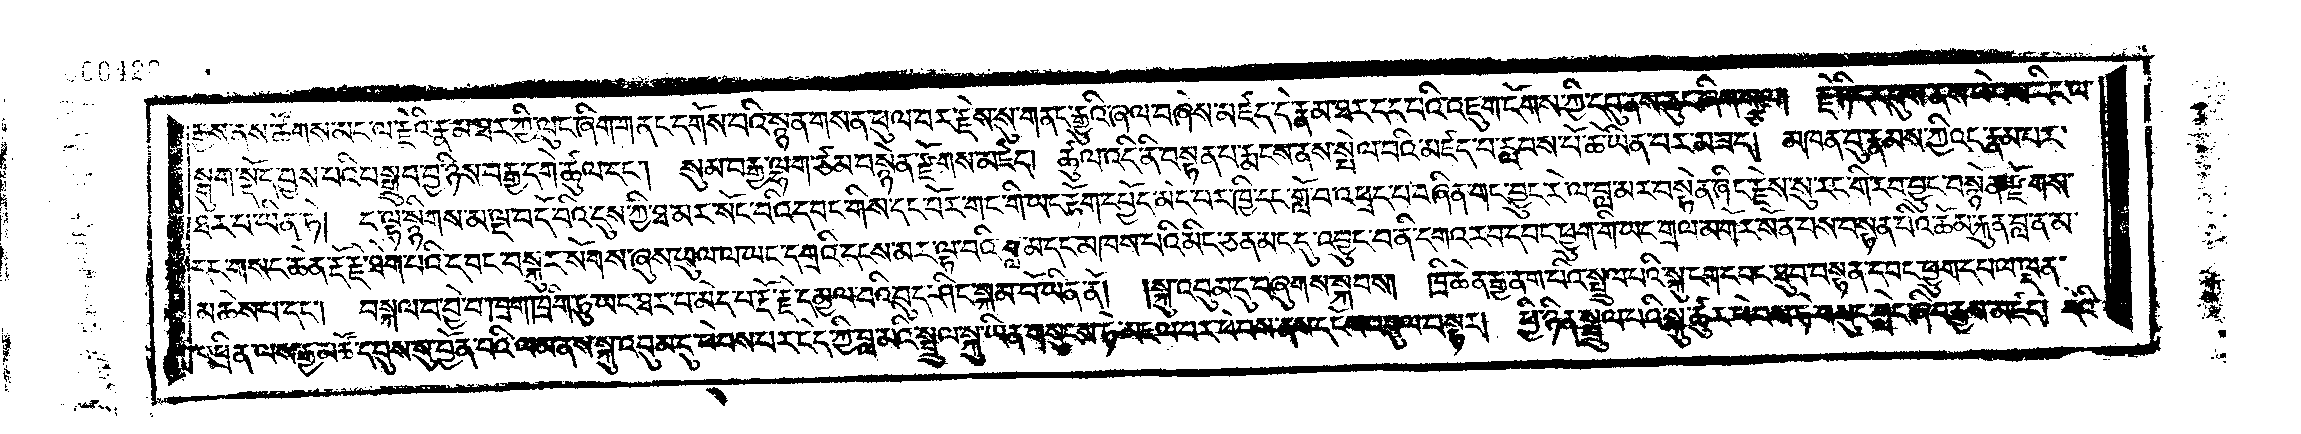རྒྱས་ནས་ཚོགས་མང་ལ་རྗེའི་རྣམ་ཐར་གྱི་ལུང་ཞིག་གནང་དགོས་པའི་སྙན་གསན་ཕུལ་བར་རྗེས་སུ་གནང་རྒྱུའི་ཞལ་བཞེས་མཛད་དེ་རྣམ་ཐར་དང་པའི་འཇུག་དོགས་ཀྱི་དབུ་ནས་ཅུང་ཞིག་སྩལ། རྗེ་ཉིད་དབུས་ནས་ཕེབས་རིང་ལ་
སྒུག་སྡོད་བྱས་པའི་བསྒྲུབ་བྱ་ཉིས་བརྒྱ་དགེ་ཚུལ་དང་། སུམ་བརྒྱ་ལྷག་ཙམ་བསྙེན་རྫོགས་མཛད། ཚུལ་འདི་ནི་བསྟན་པ་རྨངས་ནས་སྤེལ་བའི་མཛད་པ་རླབས་པོ་ཆེ་ཡིན་པར་མ་ཟད། མཁན་བུ་རྣམས་ཀྱིའང་རྣམ་པར་
ཐར་པ་ཡིན་ཏེ། ད་ལྟ་སྙིགས་མ་ལྔ་བདོ་བའི་དུས་ཀྱི་ཐ་མར་སོང་བའི་དབང་གིས་དང་པོར་གང་གི་ཡང་རྟོག་དཔྱོད་མེད་པར་ཁྱི་དང་གློ་བ་འཕྲད་པ་བཞིན་གང་བྱུང་རེ་ལ་བླ་མར་བསྟེན་ཞིང་རྗེས་སུ་རང་གི་རབ་བྱུང་བསྙེན་རྫོགས་
དང་གསང་ཆེན་རྡོ་རྗེ་ཐེག་པའི་དབང་བསྐུར་སོགས་ཞུས་ཡུལ་ལ་ཡང་དགྲའི་དངས་མར་ལྟ་བའི་བླ་མ་དང་མཁས་བའི་མིང་ཅན་མང་དུ་འབྱུང་བ་ནི་དགའ་རབ་དབང་ཕྱུག་གི་ཡང་གྲལ་མགོར་སོན་པས་བསྟན་པའི་ཆོམ་རྐུན་བླ་ན་མ་
མཆེས་པ་དང་། བསྐལ་བ་བྱེ་བ་ཁྲག་ཁྲིག་ཏུ་ཡང་ཐར་པ་མེད་པ་རྡོ་རྗེ་དམྱལ་བའི་བུད་ཤིང་སྐམ་པོ་ཡིན་ནོ། །སྐུ་འབུམ་དུ་བཞུགས་སྐབས། ཁྲི་ཆེན་རྒྱ་ནག་པའི་སྤྲུལ་པའི་སྐུ་ངག་དབང་ཐུབ་བསྟན་དབང་ཕྱུག་དཔལ་ལྡན་
འཕྲིན་ལས་རྒྱ་མཚོ་དབུས་སུ་བྱོན་པའི་ལམ་ནས་སྐུ་འབུམ་དུ་ཕེབས་པར་ངེད་ཀྱི་བླ་མའི་སྤྲུལ་སྐུ་ཡིན་གསུངས་ཏེ་མཇལ་བར་ཕེབས་ནས་དངོས་འབུལ་བསྟར། ཕྱི་ཉིན་སྤྲུལ་པའི་སྐུ་ཚུར་ཕེབས་ཏེ་གསུང་གླེང་ཞིབ་རྒྱས་མཛད། དེའི་